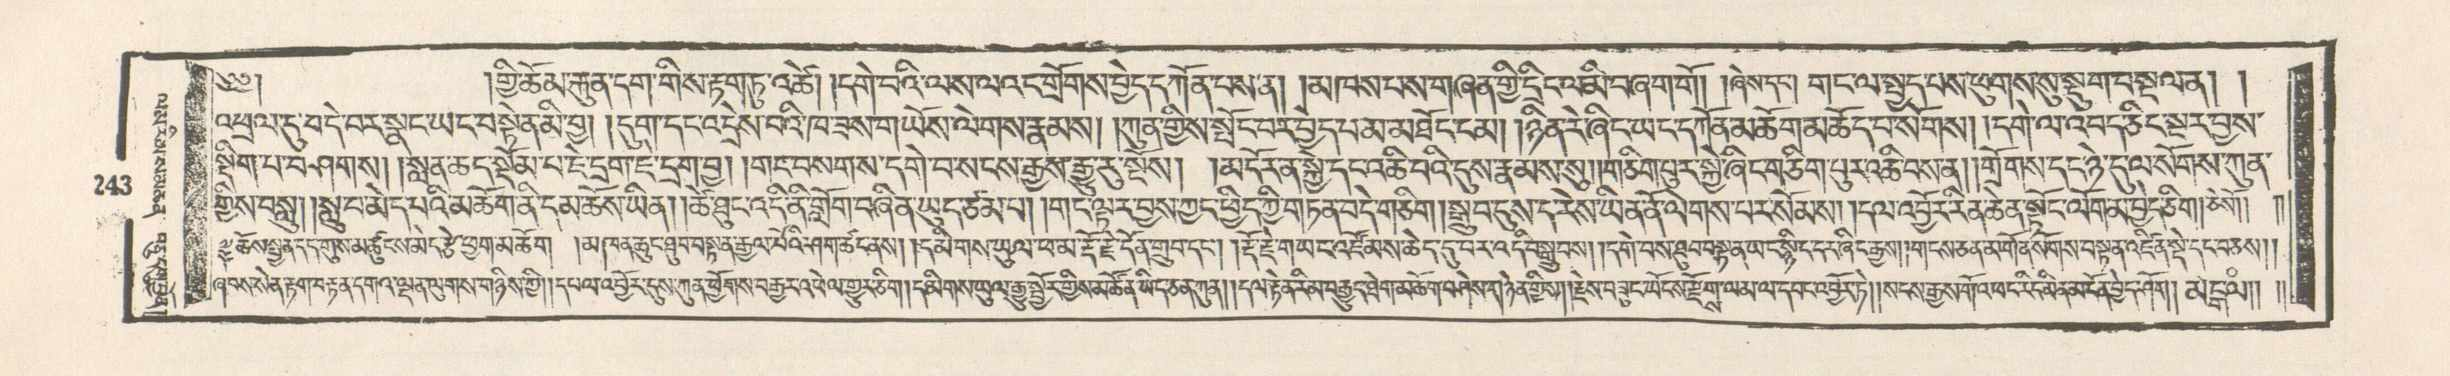༄༅། །གྱི་ཆོམ་རྐུན་དག་གིས་རྟག་ཏུ་འཚེ། །དགེ་བའི་ལས་ལའང་གྲོགས་བྱེད་དཀོན་པས་ན། །མཁས་པས་གཞན་གྱི་དྲིང་ལ་མི་བཞག་གོ། ། ཞེས་དང་།  གང་ལ་སྤྱད་པས་ཕུགས་སུ་སྡུག་བསྔལ་ན། །
འཕྲལ་དུ་བདེ་བར་སྣང་ཡང་བསྟེན་མི་བྱ། །དུག་དང་འདྲེས་པའི་ཁ་ཟས་གཡོས་ལེགས་རྣམས། །ཀུན་གྱིས་སྤོང་བར་བྱེད་པ་མ་མཐོང་ངམ། །ཉིན་རེ་ཞིང་ཡང་དཀོན་མཆོག་མཆོད་པ་སོགས། །དགེ་ལ་འབད་ཅིང་སྔར་བྱས་
སྡིག་པ་བཤགས། །སླན་ཆད་སྡོམ་པ་ཇེ་དྲག་ཇེ་དྲག་བྱ། །གང་བསགས་དགེ་བ་སངས་རྒྱས་རྒྱུ་རུ་སྔོས། མདོར་ན་སྐྱེ་དང་འཆི་བའི་དུས་རྣམས་སུ། །གཅིག་པུར་སྐྱེ་ཞིང་གཅིག་པུར་འཆི་བས་ན། །གྲོགས་དང་ཉེ་དུ་ལ་སོགས་ཀུན་
གྱིས་བསླུ། །སླུ་བ་མེད་པའི་མཆོག་ནི་དམ་ཆོས་ཡིན། །ཚེ་ཐུང་འདི་ནི་གློག་བཞིན་ཡུད་ཙམ་པ། །གང་ལྟར་བྱས་ཀྱང་ཕྱིད་ཀྱི་གཏན་བདེ་གཅིག །སྒྲུབ་དུས་ད་རེས་ཡིན་ནོ་ལེགས་པར་སོམ། །དལ་འབྱོར་རིན་ཆེན་སྟོང་ལོག་མ་བྱེད་ཅིག ། ཅེསེ།། །།
་༈ ཆོས་སྤྱན་དད་གུས་མཚུངས་མེད་རྩེ་ཕྱག་མཆོག །མཁན་ཆུང་ཐུབ་བསྟན་རྒྱལ་པོའི་ཤག་ཚང་ནས། །དམིགས་ཡུལ་ཕ་མ་རྡོ་རྗེ་དོན་གྲུབ་དང་། །རྡོ་རྗེ་གཡང་འཛོམས་ཆེད་དུ་པར་འདི་བསྒྲུབས། །དགེ་བས་ཐུབ་བསྟན་ཡང་སྙིང་དར་ཞིང་རྒྱས། །གངས་ཅན་མགོན་སོགས་བསྟན་འཛིན་སྡེ་དང་བཅས།།
ཞབས་སེན་རྟག་བརྟན་དགའ་ལྡན་ལུགས་གཉིས་ཀྱི། །དཔལ་འབྱོར་དུས་ཀུན་ཕྱོགས་བརྒྱར་འཕེལ་གྱུར་ཅིག །དམིགས་ཡུལ་རྒྱུ་སྦྱོར་གྱིས་མཚོན་ཡིད་ཅན་ཀུན། །དལ་རྟེན་རིམ་བརྒྱུད་ཐེག་མཆོག་བཤེས་གཉེན་གྱིས། །རྗེས་བཟུང་ཡོངས་རྫོགས་ལམ་ལ་དབང་འབྱོར་ཏེ། །སངས་རྒྱས་གོ་འཕང་རིང་མིན་མངོན་བྱེད་ཤོག་། མངལཾ།། །།